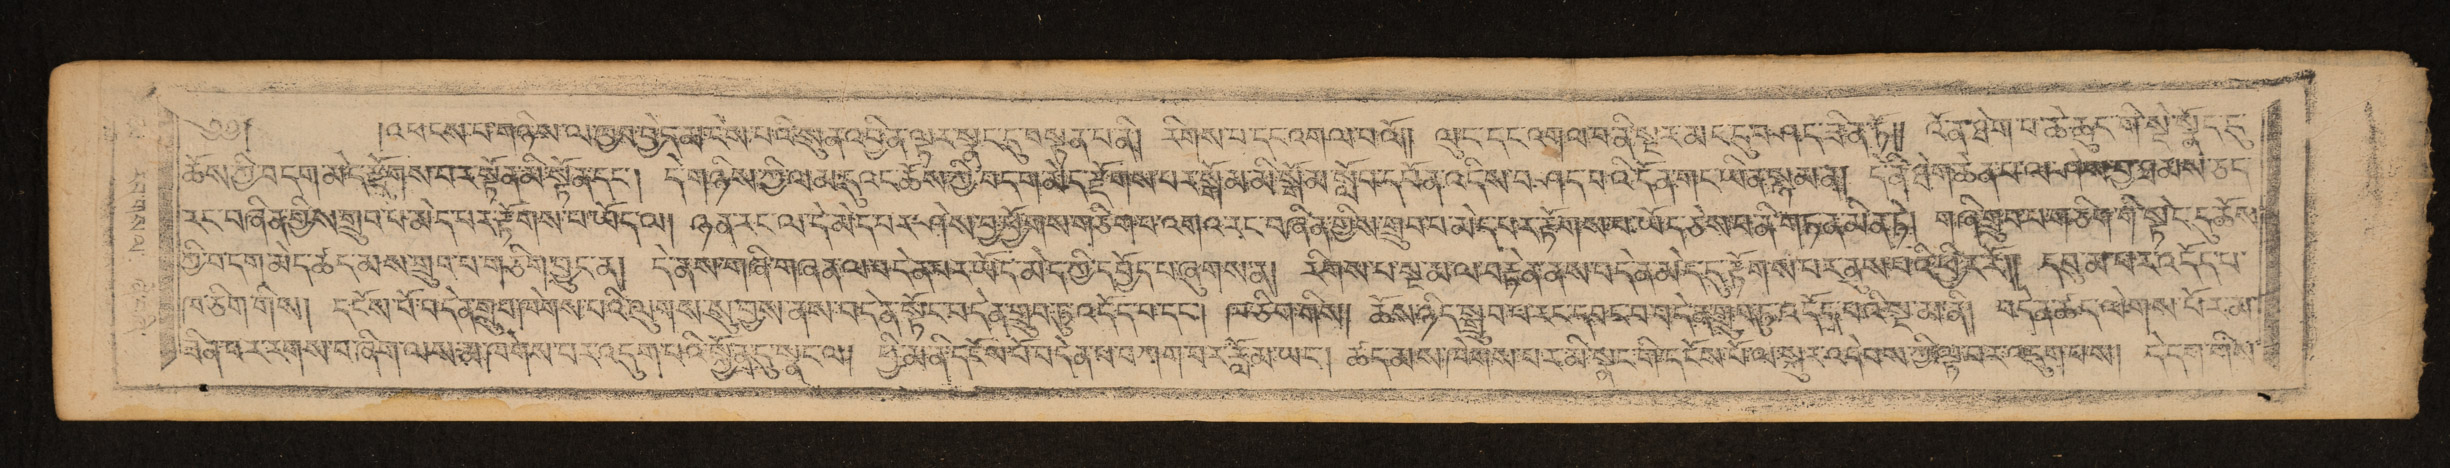༄༅། །འཕངས་པ་གཉིས་ལ་ཁྱབ་བྱེད་མ་ངེས་པའི་སུན་འབྱིན་ལྟར་སྣང་དུ་བསྟན་པ་ནི། རིགས་པ་དང་འགལ་བའོ།། ལུང་དང་འགལ་བ་ནི་སྔར་མང་དུ་བཤད་ཟིན་ཏོ།། འོ་ན་ཐེག་པ་ཆེ་ཆུང་གི་སྡེ་སྣོད་དུ་
ཆོས་ཀྱི་བདག་མེད་རྫོགས་པར་སྟོན་མི་སྟོན་དང་། དེ་གཉིས་ཀྱི་ལམ་དུའང་ཆོས་ཀྱི་བདག་མེད་རྫོགས་པར་སྒོམ་མི་སྒོམ་སློབ་དཔོན་འདིས་བཤད་པའི་དོན་གང་ཡིན་སྙམ་ན། དེ་ནི་ཐེག་ཆེན་པ་ལ་ཤེས་བྱ་ཐམས་ཅད་
རང་བཞིན་གྱིས་གྲུབ་པ་མེད་པར་རྟོགས་པ་ཡོད་ལ། ཉན་རང་ལ་དེ་མེད་པར་ཤེས་བྱ་ཕྱོགས་གཅིག་པ་འགའ་རང་བཞིན་གྱིས་གྲུབ་པ་མེད་པར་རྟོགས་པ་ཡོད་ཅེས་པ་ནི་གཏན་མིན་ཏེ། གཞི་གྲུབ་པ་ཅིག་གི་སྟེང་དུ་ཆོས་
ཀྱི་བདག་མེད་ཚད་མས་གྲུབ་པ་ཅིག་བྱུང་ན། དེ་ནས་གཞི་གཞན་ལ་བདེན་པར་ཡོད་མེད་ཀྱི་དཔྱོད་པ་ཞུགས་ན། རིགས་པ་སྔ་མ་ལ་བརྟེན་ནས་བདེན་མེད་དུ་རྟོགས་པར་ནུས་པའི་ཕྱིར་རོ།། དབུ་མ་པར་འདོད་པ་
ཁ་ཅིག་གིས། དངོས་པོ་བདེན་གྲུབ་ཁེགས་པའི་ལུགས་སུ་བྱས་ནས་བདེན་སྟོང་བདེན་གྲུབ་ཏུ་འདོད་པ་དང་། ཁ་ཅིག་གིས། ཆོས་ཉིད་སྒྲུབ་པ་རང་དབང་བ་བདེན་གྲུབ་ཏུ་འདོད་པའི་སྔ་མ་ནི། བདེན་ཚད་ལེགས་པོར་མ་
ཟིན་པར་རགས་པ་ཞིག་ལས་མ་ཁེགས་པར་འདུག་པའི་སྐྱོན་དུ་སྣང་ལ། ཕྱི་མ་ནི་དངོས་པོ་བདེན་པ་བཀག་པར་རློམ་ཡང་། ཚད་མས་ཁེགས་པར་མི་སྣང་གི་དངོས་པོ་ལ་སྐུར་འདེབས་ཀྱི་ལྟ་བར་འདུག་པས། དེ་དག་གིས་